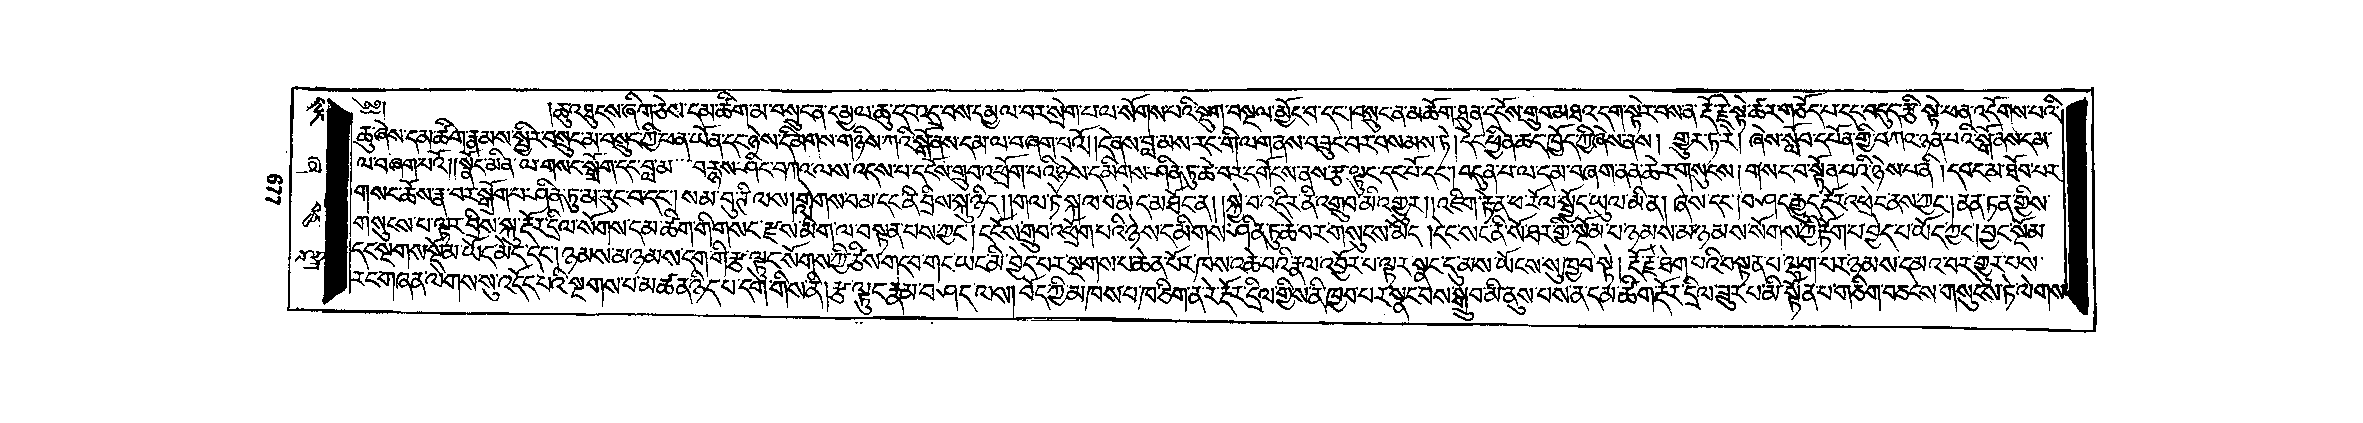༄༅། །ཆུ་འཐུངས་ཞིག་ཅེས་དམ་ཚིག་མ་བསྲུང་ན་དམྱལ་ཆུ་དང་འདྲ་བས་དམྱལ་བར་སྲེག་པ་ལ་སོགས་པའི་སྡུག་བསྔལ་མྱོང་བ་དང་། བསྲུང་ན་མཆོག་ཐུན་དངོས་གྲུབ་མཐའ་དག་སྟེར་བས་ན་རྡོ་རྗེ་སྟེ་ཚར་གཅོད་པ་དང་བདུད་རྩི་སྟེ་ཕན་འདོགས་པའི་
ཆུ་ཞེས་དམ་ཚིག་རྣམས་སྤྱིར་བསྲུང་མ་བསྲུང་ཀྱི་ཕན་ཡོན་དང་ཉེས་དམིགས་གཉིས་ཀའི་སྒོ་ནས་དམ་ལ་བཞག་པའོ། །དེ་ནས་བླ་མས་རང་གི་ལག་ནས་བཟུང་བར་བསམས་ཏེ། དེང་ཕྱིན་ཆད་ཁྱོད་ཀྱི་ཞེས་ནས། གྱུར་ཏ་རེ། ཞེས་སློབ་དཔོན་གྱི་བཀའ་ཉན་པའི་སྒོ་ནས་དམ་
ལ་བཞག་པའོ། །སྣོད་མིན་ལ་གསང་སྒྲོག་དང་བླ་མ་བརྙས་ཤིང་བཀའ་ལས་འདས་པ་དངོས་གྲུབ་འཕྲོག་པའི་ཉེས་དམིགས་ཤིན་ཏུ་ཆེ་བར་དགོངས་ནས་རྩ་ལྟུང་དང་པོ་དང་། བདུན་པ་ལ་དམ་བཞག་ནན་ཆེར་གསུངས། གསང་བ་སྟོན་པའི་ཉེས་པ་ནི། དབང་མ་ཐོབ་པར་
གསང་ཆོས་རྣ་བར་སྒྲོག་པ་ཤིན་ཏུ་མ་རུང་བ་དང་། སམ་བུ་ཊི་ལས། གླེགས་བམ་དང་ནི་བྲིས་སྐུ་ཉིད། གལ་ཏེ་སྐལ་བ་མེད་མཐོང་ན། །སྐྱེ་བ་འདིར་ནི་འགྲུབ་མི་འགྱུར། །འཇིག་རྟེན་ཕ་རོལ་སྤྱོད་ཡུལ་མིན། ཞེས་དང་། བཤད་རྒྱུད་རྡོར་འཕྲེང་ནས་ཀྱང་། ནན་ཏན་གྱིས་
གསུངས་པ་ལྟར་བྲིས་སྐུ་རྡོར་དྲིལ་སོགས་དམ་ཚིག་གི་གསང་རྫས་མིག་ལ་བསྟན་པས་ཀྱང་། དངོས་གྲུབ་འཕྲོག་པའི་ཉེས་དམིགས་ཤིན་ཏུ་ཆེ་བར་གསུངས་མོད། དེང་སང་ནི་སོ་ཐར་གྱི་སྡོམ་པ་ཉམས་མ་ཉམས་སོགས་ཀྱི་རྟོག་པ་བྱེད་པ་ཡོད་ཀྱང་། བྱང་སྡོམ་
དང་སྔགས་སྡོམ་ཡོད་མེད་དང་། ཉམས་མ་ཉམས་དག་གི་རྩ་ལྟུང་སོགས་ཀྱི་ཙིས་གདབ་གང་ཡང་མི་བྱེད་པར་སྔགས་པ་ཆེན་པོར་ཁས་འཆེ་བའི་རྣལ་འབྱོར་པ་ལྟར་སྣང་དུ་མས་ཡོངས་སུ་ཁྱབ་སྟེ། རྡོ་རྗེ་ཐེག་པའི་བསྟན་པ་ལྷག་པར་ཉམས་དམའ་བར་གྱུར་པས་
རང་གཞན་ལེགས་སུ་འདོད་པའི་སྔགས་པ་མཚན་ཉིད་པ་དགེ་གིས་ནི། རྩ་ལྟུང་རྣམ་བཤད་ལས། བོད་ཀྱི་མཁས་པ་ཁ་ཅིག་ན་རེ་རྡོར་དྲིལ་གྱིས་ནི་ཁྱབ་པར་སྣང་བས་སྒྲུབ་མི་ནུས་པས་ན་དམ་ཚིག་རྡོར་དྲིལ་ཟུར་པ་མི་སྟོན་པ་གཅིག་བཅངས་གསུངས་ཏེ་ལེགས་